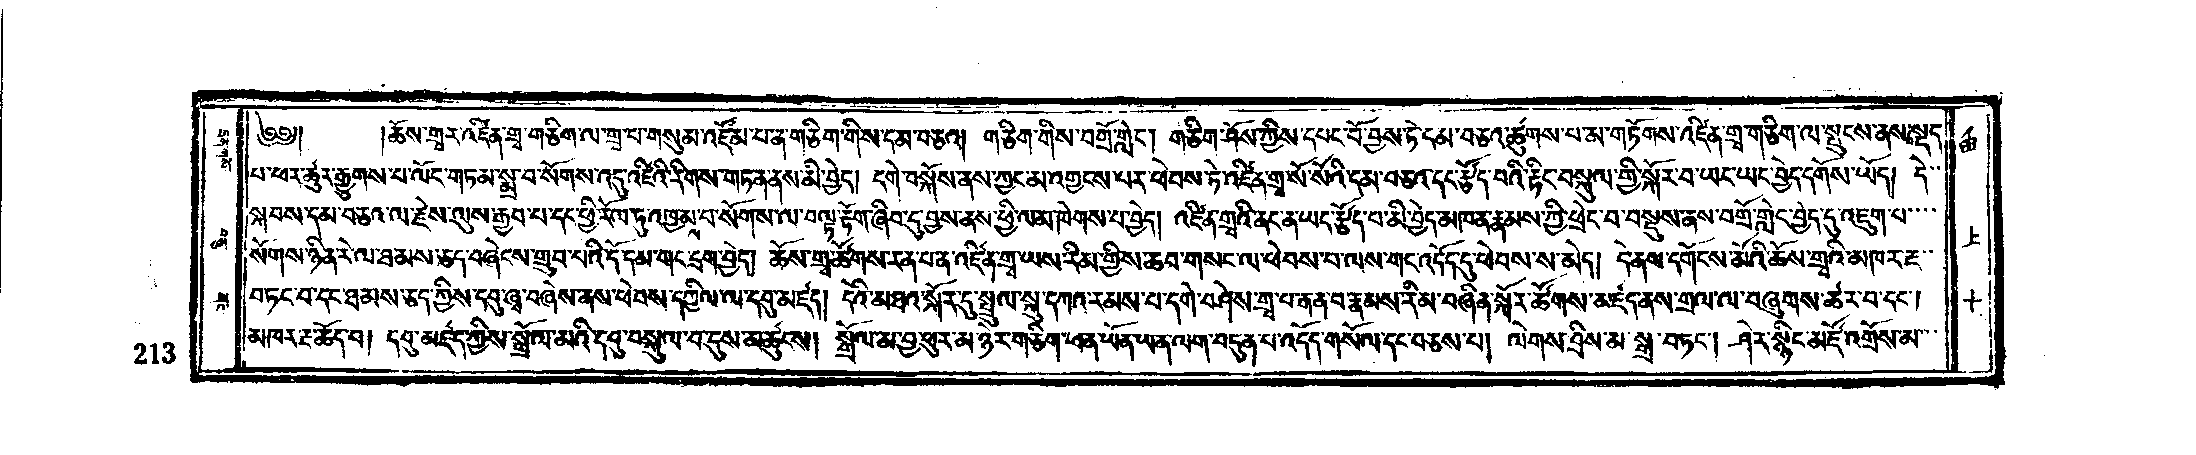༄༅། །ཆོས་གྲྭར་འཛིན་གྲྭ་གཅིག་ལ་གྲྭ་པ་གསུམ་འཛོམ་པ་ན་གཅིག་གིས་དམ་བཅའ། གཅིག་གིས་བགྲོ་གླེང་། གཅིག་ཤོས་ཀྱིས་དཔང་པོ་བྱས་ཏེ་དམ་བཅའ་ཚུགས་པ་མ་གཏོགས་འཛིན་གྲྭ་གཅིག་ལ་སྤུངས་ནས་བསྡད་
པ་ཕར་ཚུར་རྒྱུགས་པ་ལོང་གཏམ་སྨྲ་བ་སོགས་འདུ་འཛིའི་རིགས་གཏན་ནས་མི་བྱེད། དགེ་བསྐོས་ནས་ཀྱང་མ་འགྱངས་པར་ཕེབས་ཏེ་འཛིན་གྲྭ་སོ་སོའི་དམ་བཅའ་དང་རྩོད་བའི་རྟིང་བསྐུལ་གྱི་སྐོར་བ་ཡང་ཡང་བྱེད་དགོས་ཡོད། དེ་
སྐབས་དམ་བཅའ་ལ་རྗེས་ལུས་རྒྱབ་པ་དང་ཕྱི་རོལ་ཏུ་འཁྱམས་པ་སོགས་ལ་བལྟ་རྟོག་ཞིབ་དུ་བྱས་ནས་ཕྱི་ལམ་ཁེགས་པ་བྱེད། འཛིན་གྲྭའི་ནང་ན་ཡང་རྩོད་པ་མི་བྱེད་མཁན་རྣམས་ཀྱི་ཕྲེང་བ་བསྡུས་ནས་བགྲོ་གླེང་བྱེད་དུ་འཇུག་པ་
སོགས་ཉིན་རེ་ལ་ཐམས་ཅད་བཞེངས་གྲུབ་པའི་དོ་དམ་གང་དྲག་བྱེད། ཆོས་གྲྭ་ཚོགས་རན་པ་ན་འཛིན་གྲྭ་ཡས་རིམ་གྱིས་ཆབ་གསང་ལ་ཕེབས་པ་ལས་གང་འདོད་དུ་ཕེབས་ས་མེད། དེ་ནས་དགོངས་མོའི་ཆོས་གྲྭའི་མཁར་རྔ་
བཏང་བ་དང་ཐམས་ཅད་ཀྱིས་དབུ་ཞྭ་བཞེས་ནས་ཕེབས་དཀྱིལ་ལ་དབུ་མཛད། དེའི་མཐའ་སྐོར་དུ་སྤྲུལ་སྐུ་དཀའ་རམས་པ་དགེ་བཤེས་གྲྭ་པ་རྒན་པ་རྣམས་རིམ་བཞིན་སྐོར་ཚོགས་མཛད་ནས་གྲལ་ལ་བཞུགས་ཚར་བ་དང་།
མཁར་རྔ་ཆོས་བ། དབུ་མཛད་ཀྱིས་སྒྲོལ་མའི་དབུ་བསྐུལ་བ་དུས་མཚུངས། སྒྲོལ་མ་བྱ་ཕུར་མ་ཉེར་གཅིག་ཕན་ཡོན་ཡན་ལག་བདུན་པ་འདོད་གསོལ་དང་བཅས་པ། ལེགས་བྲིས་མ་སྒྲ་བཏང་། ཤེར་སྙིང་མཛོ་འགྲོས་མ་